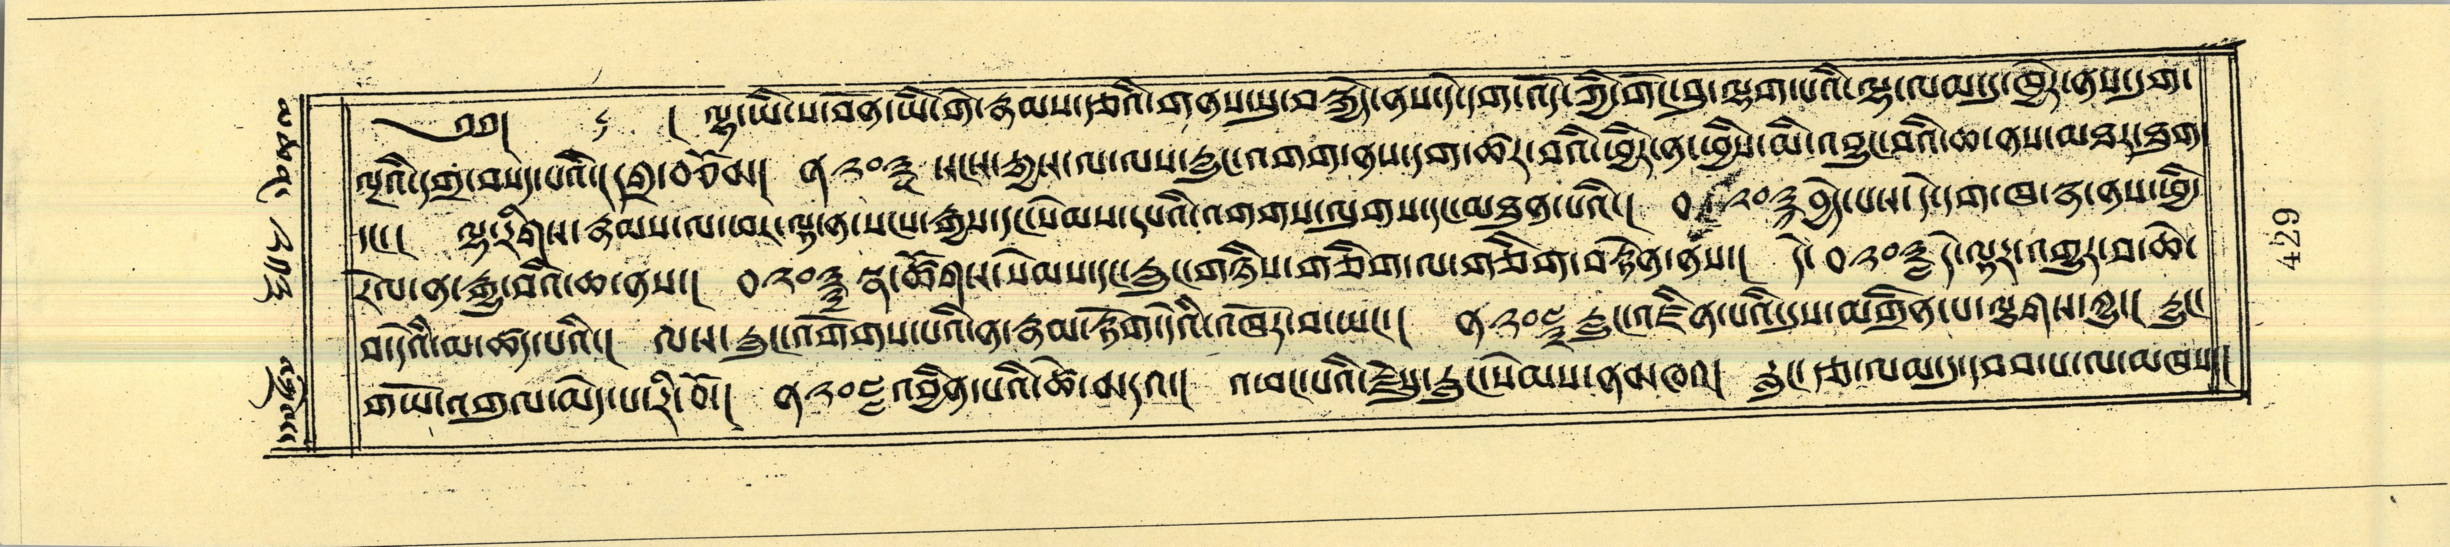ལྷ་ཡི་ས་བོན་ཡི་གེ་རྣམས་རྩ་ཡི་གནས་སུ་བསྐྱེད་ནས་དེ་དག་འོད་ཀྱི་གོང་བུ་ལྷག་པའི་ལྷ་ལམ་དུ་ཁྱེར་ནས་དུག་
ལྔའི་དགྲ་བསད་པའི་དགྲ་བཅོམ་ན ༢༠༣།༥སངས་རྒྱས་ལ་ལས་རླུང་འགག་ནས་དག་ཚར་བའི་ཕྱིར་ན་ཕྱིས་མི་འབྱུང་བའི་ཆ་ནས་མཐར་ཐུག་
དང་། ལྷ་རིགས་རྣམས་ལ་ཕར་ལྟ་ན་སངས་རྒྱས་དང་སེམས་དཔའི་འགག་ལུགས་དང་མཐུན་པའི་ བ༢༠༣།༡བྱེད་པས་དེ་དག་ཁ་སྣ་ནས་ཕྱི་
རོལ་ན་རྒྱུ་བའི་ཆ་ནས་ བ༢༠༣།༢སྣ་ཚོགས་སེམས་དང་རླུང་གཉིས་གཅིག་ལ་གཅིག་བརྟེན་ནས་ དེ་བ་༢༠༣།༤དེ་ལྟར་འགྱུར་བ་ཆེ་
བ་དེའི་མ་ཚད་པའི་ ལས་རླུང་འགོག་པས་ན་རྣམ་རྟོག་དེའི་འཁོར་བ་ཡང་ ན༢༠༤།༣རླུང་འཛིན་པའི་དུས་མགྲིན་པ་ལྕཀྱུ་ རླུང་
གཡོ་འགུལ་མེད་པ་རི་བོ་ ན༢༠༤།༤འབྱིན་པའི་ཚེ་མདའ་ འཕང་བའི་རྗེས་སུ་རླུང་སེམས་ནམ་མཁའ་ རླུང་རྩ་ལམ་དུ་བབས་པ་ལ་མཁས་